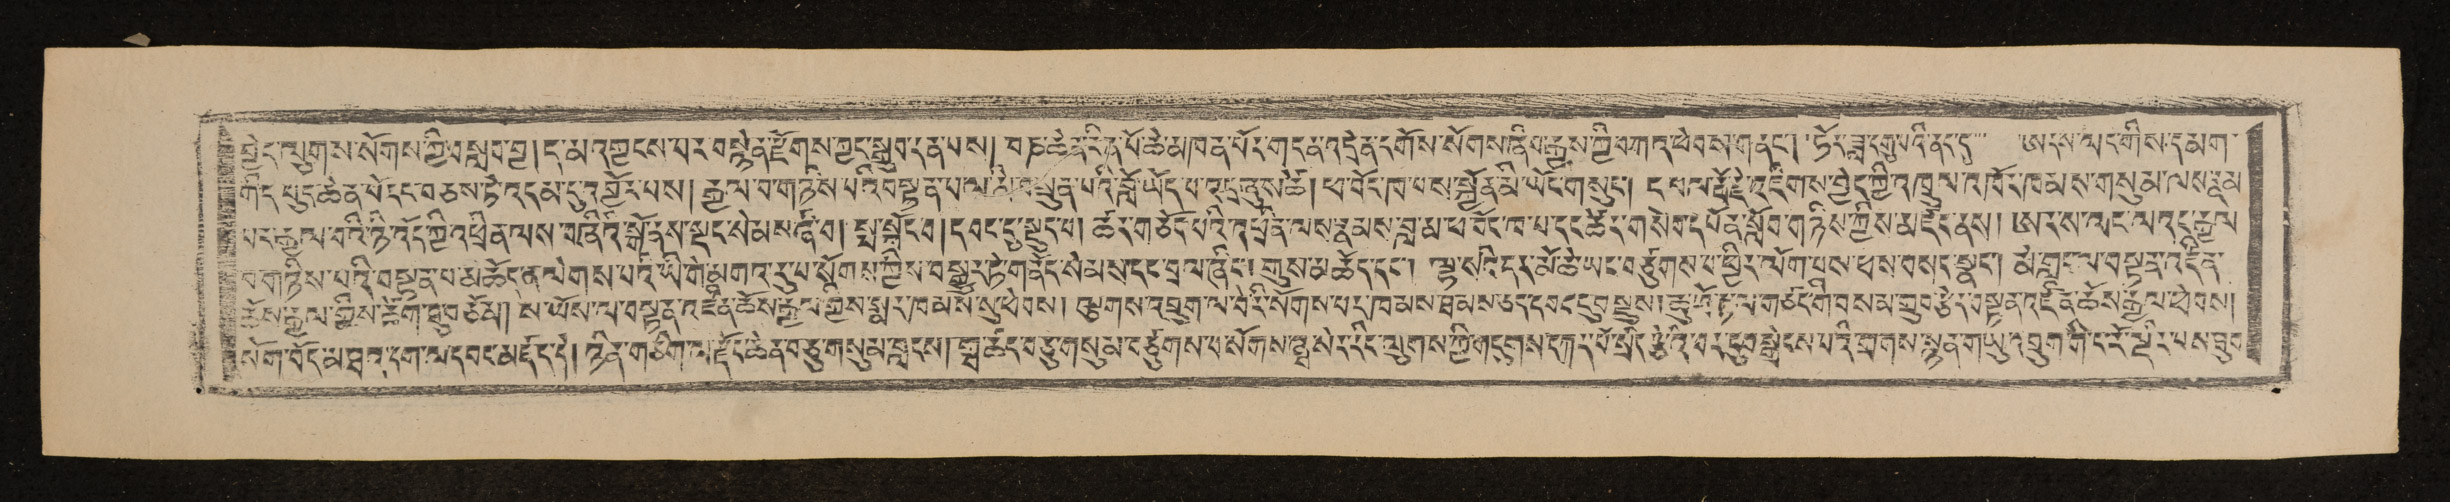བྱེད་ལུགས་སོགས་ཀྱི་བསླབ་བྱ། དམ་འགྱངས་པར་བསྙེན་རྫོགས་ཀྱང་སྒྲུབ་རན་པས། པཎ་ཆེན་རིན་པོ་ཆེ་མཁན་པོར་གདན་འདྲེན་དགོས་སོགས་ཞིབ་རྒྱས་ཀྱི་བཀའ་ཕེབས་གནང་། ཧོར་ཟླ་དགུ་པའི་ནང་དུ་ཨར་ས་ལང་གིས་དམག་
གི་དཔུང་ཆེན་པོ་དང་བཅས་ཏེ་འདམ་དུ་འབྱོར་པས། རྒྱལ་བ་གཉིས་པའི་བསྟན་པ་ལ་མི་བསྲུན་པའི་བློ་ཡོད་པ་འདྲ་ཞུས་ཚེ། ཕ་བོང་ཁ་པས་སྐྱོན་མི་ཡོང་གསུང་། དཔལ་རྡོ་རྗེ་འཇིགས་བྱེད་ཀྱི་འཁྲུལ་འཁོར་ཁམས་གསུམ་ལས་རྣམ་
པར་རྒྱལ་བའི་ཉི་འོད་ཀྱི་འཕྲིན་ལས་བཞིའི་སྒོ་ནས་སྡང་སེམས་ཞི་བ། སྤ་སྐོང་བ། དབང་དུ་སྡུད་པ། ཚར་གཅོད་པའི་འཕྲིན་ལས་རྣམས་བླ་མ་ཕ་བོང་ཁ་པ་དང་ཚེར་གསེབ་དཔོན་སློབ་གཉིས་ཀྱིས་མཛད་ནས། ཨ་ར་ས་ལང་ལའང་རྒྱལ་
བ་གཉིས་པའི་བསྟན་པ་མཆོད་ན་ལེགས་པའི་ཡི་གེ་མགའ་རུ་པ་སོགས་ཀྱིས་བསྒྱུར་ཏེ་གནོད་སེམས་དང་བྲལ་ཞིང་། གུས་མཆོད་དང་། ལྷ་སའི་དར་མོ་ཆེ་ཡང་བཙུགས་པ་ཕྱིར་ལོག་པས་ཕས་བསང་སྣང་། མེ་གླང་ལ་བསྟན་འཛིན་
ཆོས་རྒྱལ་གྱིས་ཆོག་ཐུ་བཅོམ། ས་ཡོས་ལ་བསྟན་འཛིན་ཆོས་རྒྱལ་གྱིས་སྨར་ཁམས་སུ་ཕེབས། ལྕགས་འབྲུག་ལ་བེ་རི་སོགས་པར་ཁམས་ཐམས་ཅད་དབང་དུ་བསྡུས། ཆུ་ཕོ་རྟ་ལ་གཙང་གི་བསམ་གྲུབ་རྩེར་བསྟན་འཛིན་ཆོས་རྒྱལ་ཕེབས།
སོག་བོད་མཐའ་དག་ལ་དབང་མཛད་དེ། ཉིན་གཅིག་ལ་རྫོང་ཆེན་བཅུ་གསུམ་བླངས། གྲྭ་ཚང་བཅུ་གསུམ་བཙུགས་པ་སོགས་ཞྭ་སེར་རིང་ལུགས་ཀྱི་གདུགས་དཀར་པོ་སྲིད་རྩེའི་བར་དུ་བསྒྲེངས་པའི་གྲགས་སྙན་གཡུ་འབྲུག་གི་ང་རོ་ལྡིར་པས་ཐུབ་